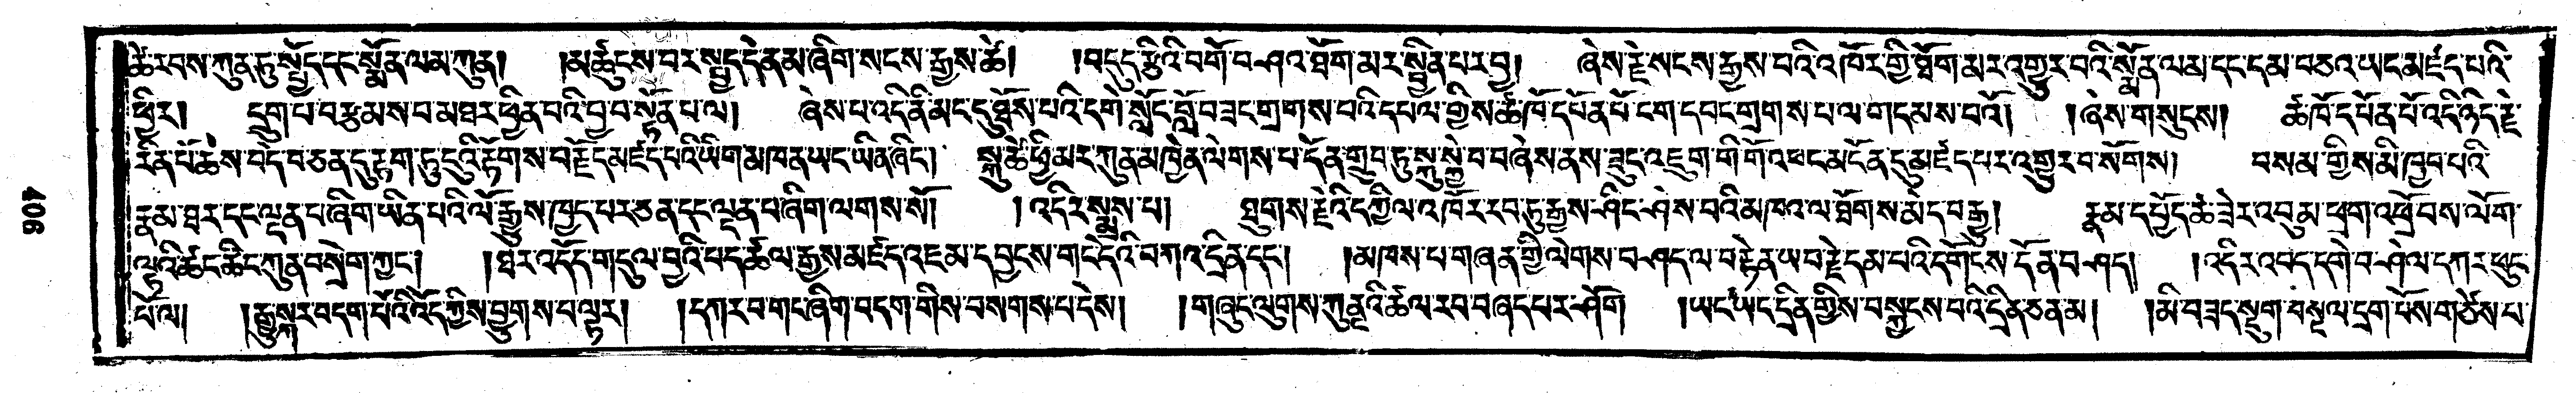ཚེ་རབས་ཀུན་ཏུ་སྤྱོད་དང་སྨོན་ལམ་ཀུན། །མཚུངས་བར་སྤྱད་དེ་ནམ་ཞིག་སངས་རྒྱས་ཚེ། །བདུད་རྩིའི་བགོ་བཤའ་ཐོག་མར་སྦྱིན་པར་བྱ། ཞེས་རྗེ་སངས་རྒྱས་བའི་འཁོར་གྱི་ཐོག་མར་འགྱུར་བའི་སྨོན་ལམ་དང་དམ་བཅའ་ཡང་མཛད་པའི་
ཕྱིར། དྲུག་པ་བརྩམས་པ་མཐར་ཕྱིན་པའི་བྱ་བ་སྟོན་པ་ལ། ཞེས་པ་འདི་ནི་མང་དུ་ཐོས་པའི་དགེ་སློང་བློ་བཟང་གྲགས་པའི་དཔལ་གྱིས་ཚ་ཁོ་དཔོན་པོ་ངག་དབང་གྲགས་པ་ལ་གདམས་པའོ། །ཞེས་གསུངས། ཚ་ཁོ་དཔོན་པོ་འདི་ཉིད་རྗེ་
རིན་པོ་ཆེས་བདེ་བ་ཅན་དུ་རྟག་ཏུ་དུའི་རྟོགས་བརྗོད་མཛད་པའི་ཡིག་མཁན་ཡང་ཡིན་ཞིང་། སྐུ་ཚེ་ཕྱི་མར་ཀུན་མཁྱེན་ལེགས་པ་དོན་གྲུབ་ཏུ་སྐུ་སྐྱེ་བ་བཞེས་ནས་ཟུང་འཇུག་གི་གོ་འཕང་མངོན་དུ་མཛད་པར་འགྱུར་བ་སོགས། བསམ་གྱིས་མི་ཁྱབ་པའི་
རྣམ་ཐར་དང་ལྡན་པ་ཞིག་ཡིན་པའི་ལོ་རྒྱུས་ཁྱད་པར་ཅན་དང་ལྡན་པ་ཞིག་ལགས་སོ། །འདིར་སྨྲས་པ། ཐུགས་རྗེའི་དཀྱིལ་འཁོར་རབ་ཏུ་རྒྱས་ཤིང་ཤེས་བའི་མཁའ་ལ་ཐོགས་མེད་བརྒྱུ། རྣམ་དཔྱོད་ཆེ་ཟེར་འབུམ་ཕྲག་འཕྲོ་བས་ལོག་
ལྟའི་ཚང་ཚིང་ཀུན་བསྲེག་ཀྱང་། །ཐར་འདོད་གདུལ་བྱའི་པད་ཚལ་རྒྱས་མཛད་འཇམ་དབྱངས་གང་དེའི་བཀའ་དྲིན་དང་། །མཁས་པ་གཞན་གྱི་ལེགས་བཤད་ལ་བརྟེན་ཡབ་རྗེ་དམ་པའི་དགོངས་དོན་བཤད། །འདིར་འབད་དགེ་བ་ཤེལ་དཀར་ཕུང་
པོ་ལ། །རྒྱུ་སྐར་བདག་པོའི་འོད་ཀྱིས་བྱུགས་པ་ལྟར། །དཀར་བ་གང་ཞིག་བདག་གིས་བསགས་པ་དེས། །གཞུང་ལུགས་ཀུནྡའི་ཚལ་རབ་བཞད་པར་ཤོག །ཡང་ཡང་དྲིན་གྱིས་བསྐྱངས་པའི་དྲིན་ཅན་མ། །མི་བཟད་སྡུག་བསྔལ་དྲག་པོས་གཙེས་པ་